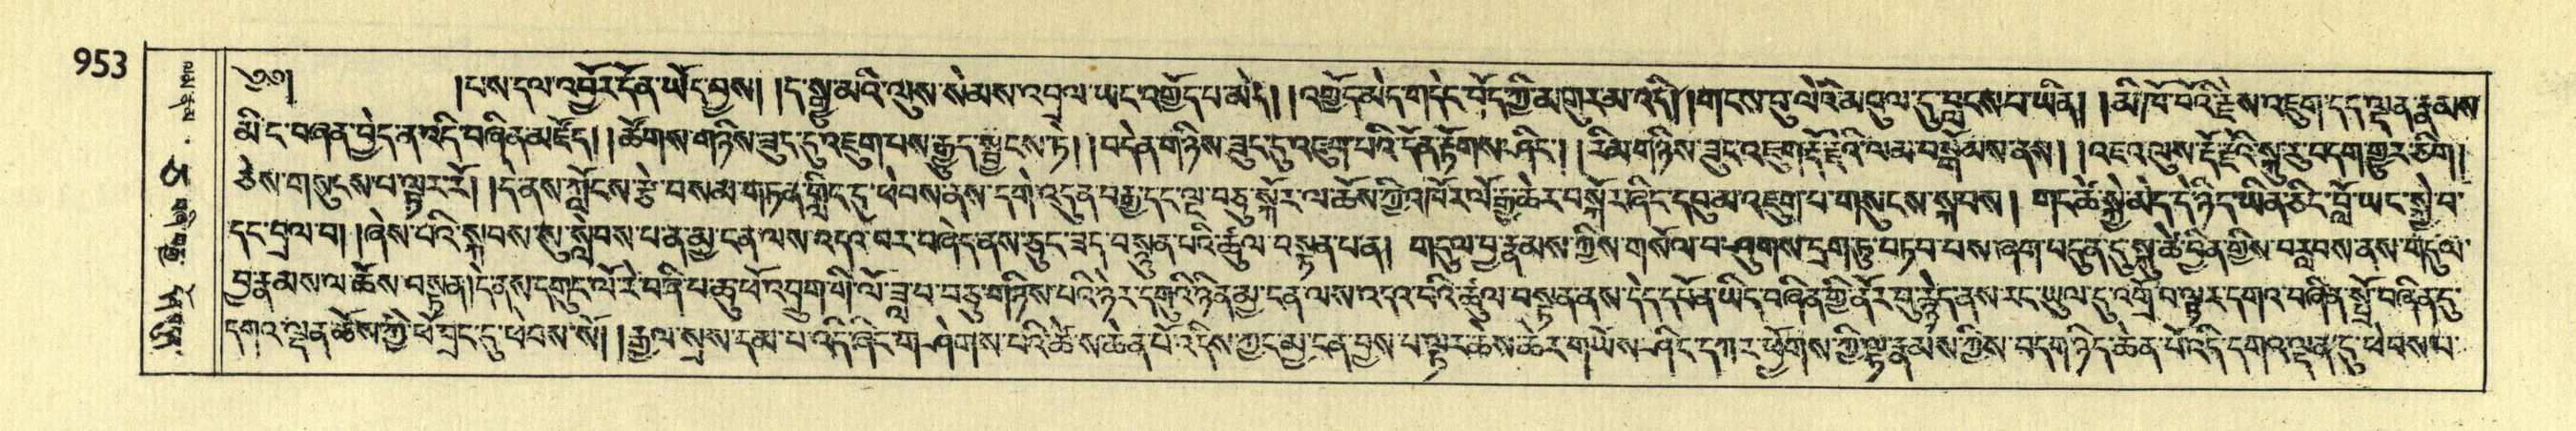༄༅། །པས་དལ་འབྱོར་དོན་ཡོད་བྱས། །ད་སྒྱུ་མའི་ལུས་སེམས་འབྲལ་ཡང་འགྱོད་པ་མེད། །འགྱོད་མེད་གདེང་བྲོད་ཀྱི་མགུར་མ་འདི། །གངས་བུ་ལེའི་མྦུལ་དུ་བླངས་པ་ཡིན། །མི་ཁོ་བོའི་རྗེས་འཇུག་དད་ལྡན་རྣམས་
མིང་བཞན་བྱེད་ན་འདི་བཞིན་མཛོད། །ཚོགས་གཉིས་ཟུང་དུ་འཇུག་པས་རྒྱུད་སྦྱངས་ཏེ། །བདེན་གཉིས་ཟུང་དུ་འཇུག་པའི་དོན་རྟོགས་ཤིང་། །རིམ་གཉིས་ཟུང་འཇུག་རྡོ་རྗེའི་ལམ་བསྒོམས་ནས། །འཇའ་ལུས་རྡོ་རྗེའི་སྐུ་རུ་བདག་གྱུར་ཅིག།
ཅེས་གསུངས་པ་ལྟར་རོ། །དེ་ནས་ཀློངས་རྩེ་བསམ་གཏན་གླིང་དུ་ཕེབས་ནས་དགེ་འདུན་བརྒྱ་དང་ལྔ་བཅུ་སྐོར་ལ་ཆོས་ཀྱི་འཁོར་ལོ་རྒྱ་ཆེར་བསྐོར་ཞིང་དབུ་མ་འཇུག་པ་གསུངས་སྐབས། གང་ཚེ་སྐྱེ་མེད་དེ་ཉིད་ཡིན་ཅིང་བློ་ཡང་སྐྱེ་བ་
དང་བྲལ་བ། །ཞེས་པའི་སྐབས་སུ་སླེབས་པ་ན་མྱ་ངན་ལས་འདའ་བར་བཞེད་ནས་ཅུང་ཟད་བསྙུན་པའི་ཚུལ་བསྟན་པ་ན། གདུལ་བྱ་རྣམས་ཀྱིས་གསོལ་བ་ཤུགས་དྲག་ཏུ་བཏབ་པས་ཞག་བདུན་དུ་སྐུ་ཚེ་བྱིན་གྱིས་བརླབས་ནས་གདུལ་
བྱ་རྣམས་ལ་ཆོས་བསྟན། དེ་ནས་དགུང་ལོ་རེ་བཞི་པ་ཆུ་ཕོ་འབྲུག་གི་ལོ་ཟླ་བ་བཅུ་གཉིས་པའི་ཉེར་དགུའི་ཉིན་མྱ་ངན་ལས་འདའ་བའི་ཚུལ་བསྟན་ནས་དེད་དཔོན་ཡིད་བཞིན་གྱི་ནོར་བུ་རྙེད་ནས་རང་ཡུལ་དུ་འགྲོ་བ་ལྟར་དགའ་བཞིན་སྤྲོ་བཞིན་དུ་
དགའ་ལྡན་ཆོས་ཀྱི་ཕོ་བྲང་དུ་ཕེབས་སོ། །རྒྱལ་སྲས་དམ་པ་འདི་ཞིང་གཤེགས་པའི་ཚེ་ས་ཆེན་པོ་འདིས་ཀྱང་མྱ་ངན་བྱས་པ་ལྟར་ཆེས་ཆེར་གཡོས་ཤིང་དཀར་ཕྱོགས་ཀྱི་ལྷ་རྣམས་ཀྱིས་བདག་ཉིད་ཆེན་པོ་འདི་དགའ་ལྡན་དུ་ཕེབས་པ་